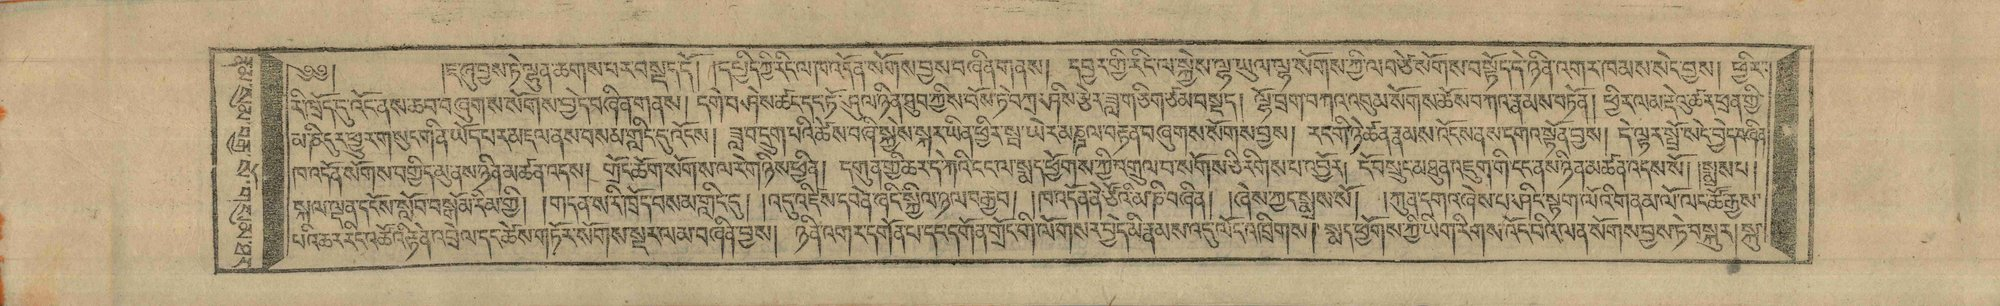༄༅། །ཇ་ཞུ་བྱས་ཏེ་ལྷུན་ཆགས་པར་བསྡད་དོ། །དཔྱིད་ཀྱི་རིང་ལ་ཁ་འདོན་སོགས་བྱས་བཞིན་གནས། དབྱར་གྱི་རིང་ལ་སྐྱེས་ལྷ་ཡུལ་ལྷ་སོགས་ཀྱི་ལབ་ཙེ་སོགས་བསྟོད་དེ་ཉིན་འགར་ཁམས་སེད་བྱས། ཕྱིར་
རི་ཁྲོད་དུ་འོང་ནས་ཆབ་བཞུགས་སོགས་བྱེད་བཞིན་གནས། དགེ་བཤེས་ཚང་དང་ཏོ་ཤུལ་ཉིན་ཐུབ་ཀྱིས་བོས་ཏེ་བཀྲ་ཤིས་རྩེར་ཟླ་གཅིག་ཙམ་བསྡད། ལྷོ་བྲག་བཀའ་འབུམ་སོགས་ཆོས་བཀའ་རྣམས་བཏོན། ཕྱིར་ལམ་རྡེའུ་ཚར་ཕྲན་གྱི་
མ་ཎི་དུར་ཕྱུར་གསུང་གིན་ཡོད་པར་མཇལ་ནས་བསམ་གླིང་དུ་འོངས། ཟླ་བ་དྲུག་པའི་ཚེས་བཞི་སྐྱེས་སྐར་ཡིན་ཕྱིར་སྦ་ཡེར་མཎྜལ་བརྟན་བཞུགས་སོགས་བྱས། རང་གི་ཉེ་ཚན་རྣམས་འོངས་ནས་དགའ་སྟོན་བྱས། དེ་ལྟར་སྤྲོ་སེང་བྱེད་བཞིན་
ཁ་འདོན་སོགས་བགྱིད་མུ་ནས་ཉིན་མཚན་འདས། གྲོང་ཆོག་སོགས་ལ་རེ་གཉིས་ཕྱིན། དགུན་གྱི་ཆར་དེ་ཀའི་ངང་ལ་སྨད་ཕྱོགས་ཀྱི་འགྲུལ་བ་སོགས་ཅི་རིགས་པ་འབྱོར། ངོ་བསྲུང་མཐུན་འཇུག་གི་ངང་ནས་ཉིན་མཚན་འདས་སོ། །སྨྲས་པ།
སྐལ་ལྡན་དངོས་སློབ་བསྒོམ་རིམ་གྱི། །གདན་ས་རི་ཁྲོད་བསམ་གླིང་དུ། །འདུ་འཛིས་དབེན་ཞིང་སྐྱིལ་ཉལ་བརྒྱབ། །ཁ་འདོན་ནེ་ཙོའི་མ་ཎི་བཞིན། །ཞེས་ཀྱང་སྨྲས་སོ། །ཀུན་དགའ་ཞེས་པ་ཤིང་སྟག་ལོའི་གནམ་ལོ་ལང་ཚོ་རྒྱས་
པའི་ཆར་རིང་འཚོའི་རྟེན་འབྲེལ་དང་ཚེས་གཏོར་སོགས་སྔར་ལམ་བཞིན་བྱས། ཉིན་འགར་དགོན་པ་དང་དགོན་གྲོང་གི་ལོ་གསར་བྱེད་མི་རྣམས་འདུ་ལོང་འཁྲིགས། སྨད་ཕྱོགས་ཀྱི་ཡིག་རིགས་འོང་བའི་ལན་སོགས་བྱས་ཏེ་བསྐུར། སྐུ་